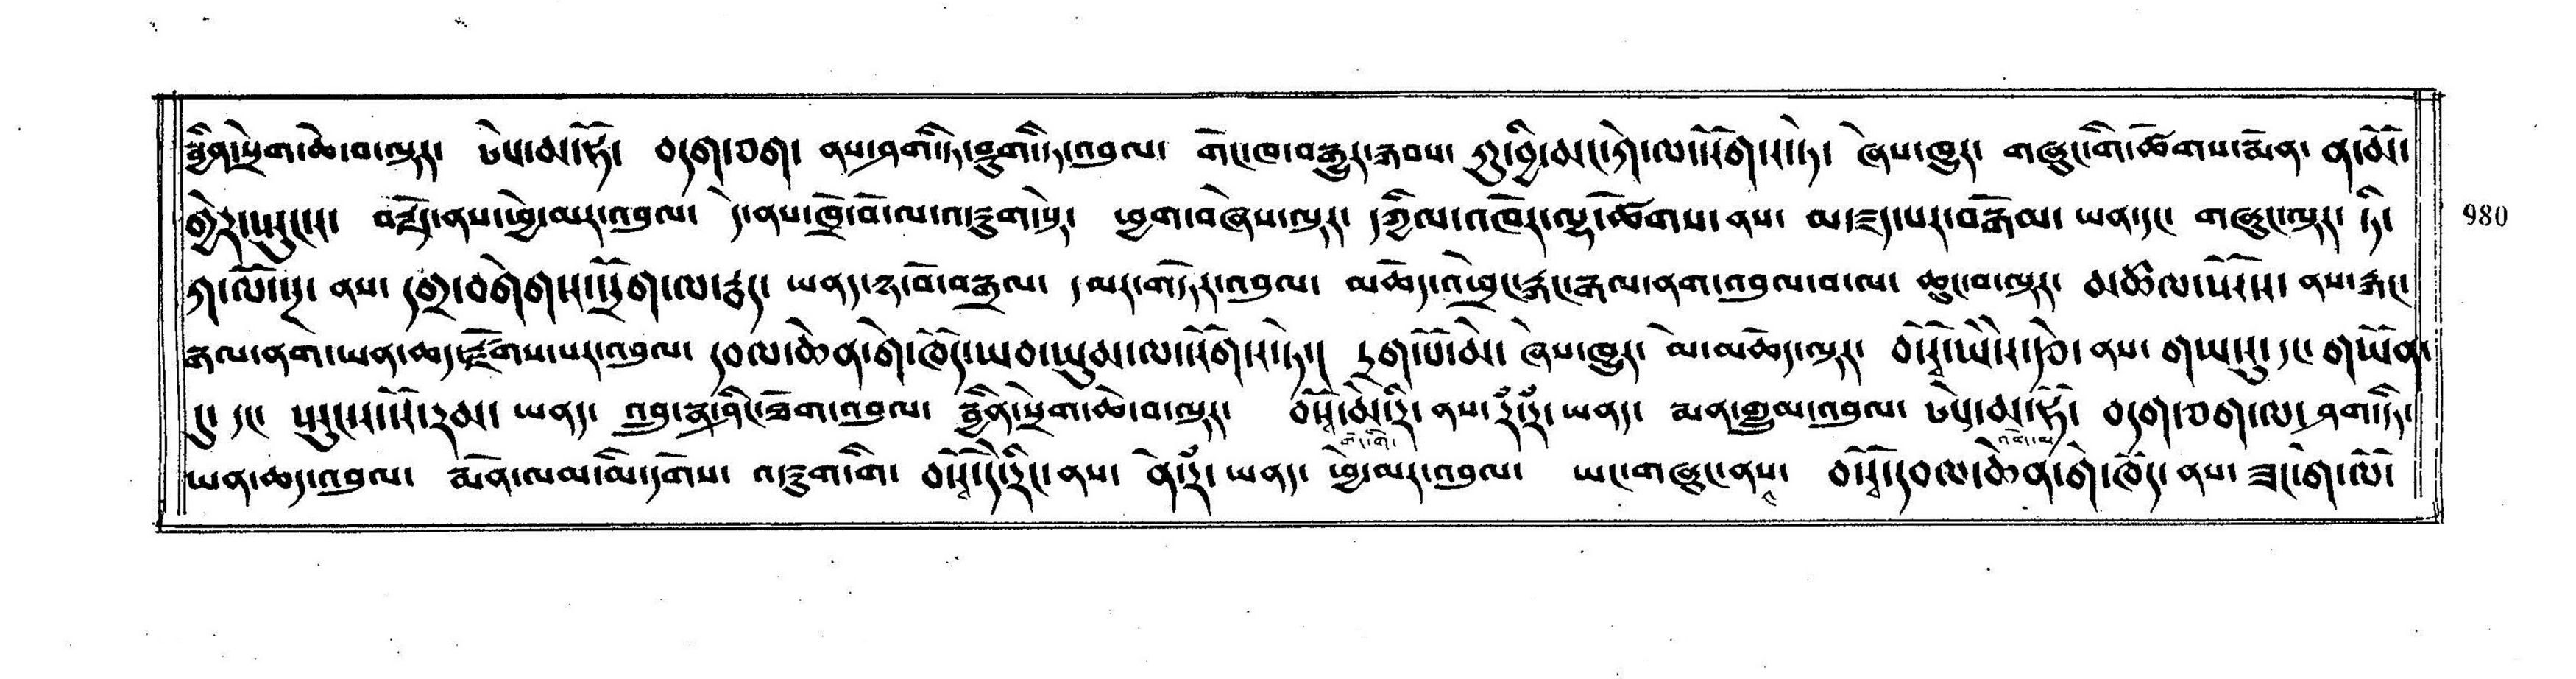སྦྱིན་སྲེག་ཆེ་བ་ལྟར། ཨེ་མ་ཧོ། བདག་ཅག། ནས་ཤག་ཏི་ཤུག་ཏི་འབུལ། གོང་ཁ་བསྒྱུར་སྐབས། ཀུ་བྱི་མང་ཀེ་ལ་སོགས་ཏེ། ཞེས་ཁ་བསྒྱུར། གཞུང་གི་ཚོགས་སྨོན། ན་མོ་
གྱེར་སྤུངས། བརྗོད་ནས་ཕྱེ་མར་འབུལ། དེ་ནས་ཁྲོ་བོ་ལ་འཇུག་སྟེ། ཕྱག་བཞེས་ལྟར། དཀྱིལ་འཁོར་ལྷ་ཚོགས། ནས། མཛད་པར་བསྒོམ། ཡན་དང། གཞུང་ལྟར། ཏི་
ཀ་ལོ་སྔ། ནས། དགྲ་བགེགས་སྲོག་ལ་རྦད། ཡན་ཆད་དང་ཉ་བོ་བསྒྲལ། དམར་གཏོར་འབུལ། མཆོད་འཕྲེང་རྐང་སྒལ་ནག་འབུལ་བ་ལ། ཆུང་བ་ལྟར། མཚལ་སྤོས། ནས་རྐང་
སྒལ་ནག་ཡན་ཆད་རྫོགས་པར་འབུལ། དབལ་ཆེན་གེ་ཁོད་ཡབ་ཡུམ་ལ་སོགས་ཏེ། དྲག་པོ་མེ། ཞེས་ཁ་བསྒྱུར། མེ་མཆོད་ལྟར། བསྭོ་ཡེ་ཤེས་རྩེ། ནས། གཡས་སུ་དང་གཡོན་
དུ། དང་། སྤུངས་སོ་རམ། ཡན་ཆད། འབྲུ་སྣ་ཤིང་ཐོག་འབུལ། སྦྱིན་སྲེག་ཆེ་བ་ལྟར། བསྭོ་མེ་རི་[གོང་གི་] ནས་རཾ་རཾ་ཡན་ཆད། སྨན་གླུམ་འབུལ། ཨེ་མ་ཧོ། [འགོ་མ] བདག་ཅག་ལ་ཤག་ཏི་
ཡན་ཆད་འབུལ། སྨོན་ལམ་མི་དགོས། འཇུག་གི། བསྭོ་དེ་རིང་ནས། ནེ་རཾ། ཡན་ཆད། ཕྱེ་མར་འབུལ། ཡང་གཞུང་ནས། བསྭོ་དབལ་ཆེན་གེ་ཁོད་ནས། ཟང་གེ་ལོ་